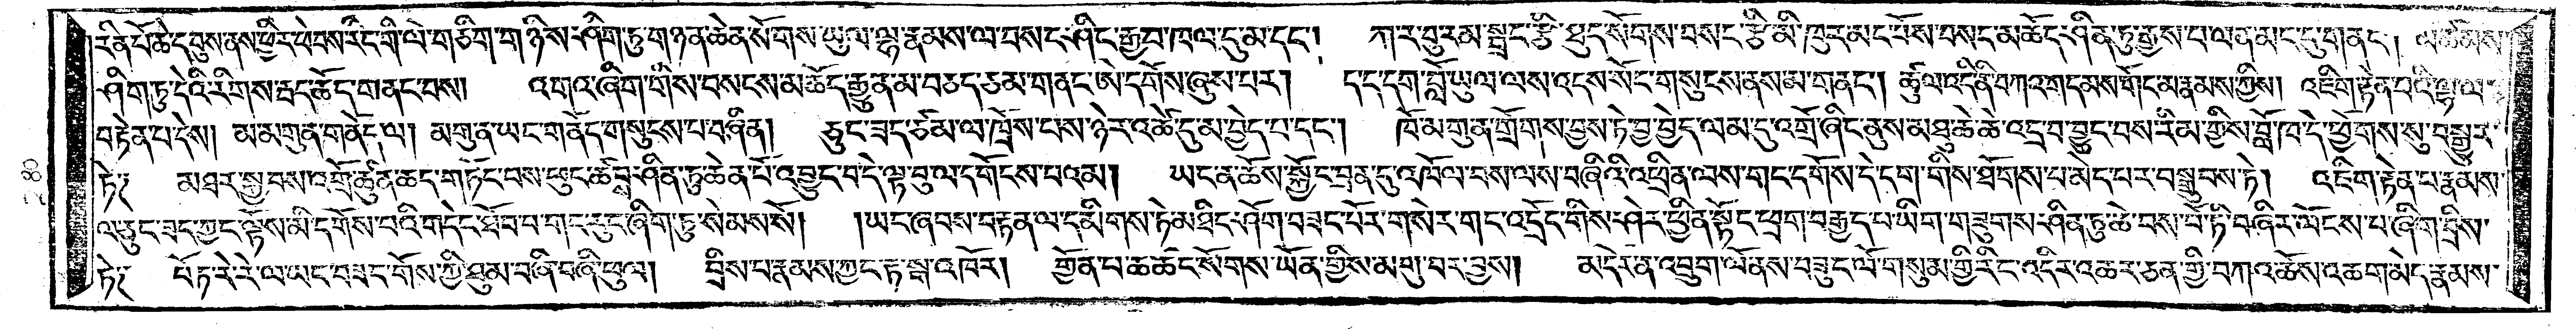རིན་པོ་ཆེ་དབུས་ནས་ཕྱིར་ཕེབས་རིང་གི་ལེ་གཅིག་གཉིས་ཤིག་ཏུ་གཉན་ཆེན་སོགས་ཡུལ་ལྷ་རྣམས་ལ་བསང་ཤིང་རྒྱ་བ་ཁལ་དུ་མ་དང་། ཀ་ར་བུ་རམ་སྦྲང་རྩི་ཐུད་སོགས་བསང་རྩི་མི་ཁུར་མང་པོས་བསང་མཆོད་ཤིན་ཏུ་རྒྱས་བ་ལན་མང་སྡུ་གནང་། མཚམས་
ཤིག་ཏུ་དེའི་རིགས་རྦད་ཆོད་གནང་བས། འགའ་ཞིག་གིས་བསངས་མཆོད་རྒྱུན་མ་བཅད་ཙམ་གནང་ཨེ་དགོས་ཞུས་པར། ད་དེ་དག་བླ་ཡུལ་ལས་འདས་སོང་གསུངས་ནས་མ་གནང་། ཚུལ་འདི་ནི་བཀའ་གདམས་གོང་མ་རྣམས་ཀྱིས། འཇིག་རྟེན་པའི་ལྷ་ལ་
བརྟེན་པ་དེས། མ་མགུ་ན་གནོད་ལ། མགུ་ན་ཡང་གནོད་གསུངས་པ་བཞིན། ཅུང་ཟད་ཙམ་ལ་ཁྲོས་པས་ཉེར་འཚེ་དུ་མ་བྱེད་པ་དང་། ཁོ་མགུ་ན་གྲོགས་བྱས་ཏེ་བྱ་བྱེད་ལམ་དུ་འགྲོ་ཞིང་ནུས་མཐུ་ཆེ་ཆེ་འདྲ་བ་བྱུང་བས་རིམ་གྱིས་བློ་ཁ་དེ་ཕྱོགས་སུ་བསྒྱུར་
ཏེ༑ མཐར་སྐྱབས་འགྲོ་ཚུན་ཆད་གཏོང་བས་ཕུང་ཚབས་ཤིན་ཏུ་ཆེན་པོ་འབྱུང་བ་དེ་ལྟ་བུ་ལ་དགོངས་པའམ། ཡང་ན་ཆོས་སྐྱོང་བྲན་དུ་འཁོལ་བས་ལས་བཞིའི་འཕྲིན་ལས་གང་དགོས་དེ་དག་གིས་ཐོགས་པ་མེད་པར་བསྒྲུབས་ཏེ། འཇིག་རྟེན་པ་རྣམས་
ལ་ཅུང་ཟད་ཀྱང་ལྟོས་མི་དགོས་བའི་གདེང་ཐོབ་པ་གང་རུང་ཞིག་ཏུ་སེམས་སོ། །ཡང་ཞབས་བརྟན་ལ་དམིགས་ཏེ་མཐིང་ཤོག་བཟང་པོར་གསེར་གང་འདྲོང་གིས་ཤེར་ཕྱིན་སྟོང་ཕྲག་བརྒྱད་པ་ཡིག་གཟུགས་ཤིན་ཏུ་ཆེ་བས་པོ་ཏི་བཞིར་ལོང་པ་ཞིག་བྲིས་
ཏེ༑ པོཏ་རེ་རེ་ལ་ཡང་བཟང་གོས་ཀྱི་ཐུམ་བཞི་བཞི་ཕུལ། བྲིས་པ་རྣམས་ཀྱང་རྟ་སྒ་འཁོར། གྱོན་པ་ཆ་ཚང་སོགས་ཡོན་གྱིས་མགུ་བར་བྱས། མདོར་ན་འབྲུག་ལོ་ནས་བཟུང་ལོ་གསུམ་གྱི་རིང་འདིར་འཆར་ཅན་གྱི་བཀའ་ཆོས་འཆག་མེད་རྣམས་